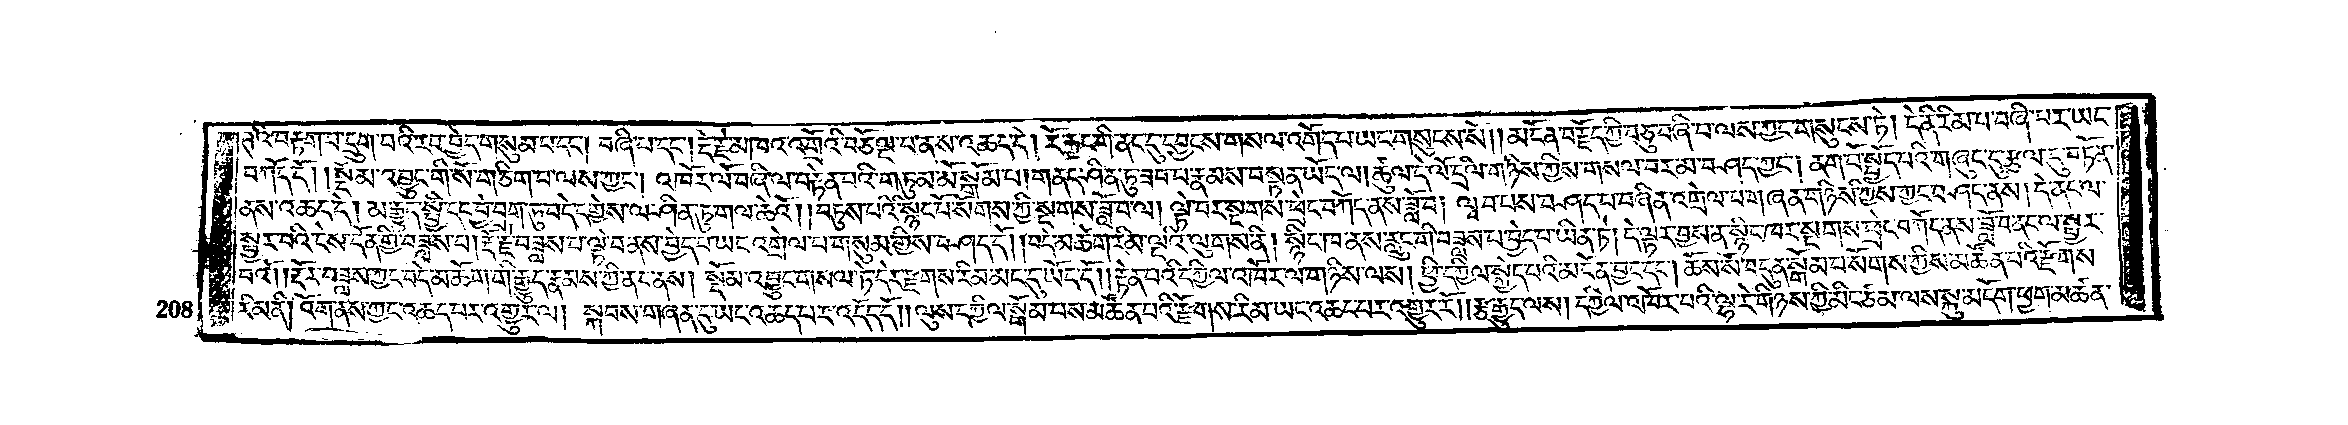ཊའི་བརྟག་པ་དྲུག་པའི་རབ་བྱེད་གསུམ་པ་དང་། བཞི་པ་དང་། རྡོ་རྗེ་མཁའ་འགྲོའི་བཅོ་ལྔ་པ་ནས་འཆད་དེ། རོ་རྐྱང་གི་ནང་དུ་དབྱངས་གསལ་འགོད་པ་ཡང་གསུངས་སོ། །མངོན་བརྗོད་ཀྱི་བཅུ་བཞི་པ་ལས་ཀྱང་གསུངས་ཏེ། དེ་ནི་རིམ་པ་བཞི་པར་ཡང་
བཀོད་དོ། །སྡོམ་འབྱུང་གི་སོ་གཅིག་པ་ལས་ཀྱང་། འཁོར་ལོ་བཞི་ལ་བརྟེན་པའི་གཏུམ་མོ་སྒོམ་པ། གནད་ཤིན་ཏུ་ཟབ་པ་རྣམས་བསྟན་ཡོད་ལ། ཚུལ་དེ་ལོ་དྲིལ་གཉིས་ཀྱིས་གསལ་བར་མ་བཤད་ཀྱང་། ནག་པོ་སྤྱོད་པའི་གཞུང་དུ་རྩལ་དུ་བཏོན་
ནས་འཆད་དེ། མ་རྒྱུད་སྤྱི་དང་བྱེ་བྲག་ཏུ་བདེ་དགྱེས་ལ་ཤིན་ཏུ་གལ་ཆེའོ། །བཏུས་པའི་སྙིང་པོ་སོགས་ཀྱི་སྔགས་ཟློ་བ་ལ། ལྟེ་བར་སྔགས་ཕྲེང་བཀོད་ནས་ཟློ་བ། ལྭ་བ་པས་བཤད་པ་བཞིན་འགྲེལ་པ་གཞན་གཉིས་ཀྱིས་ཀྱང་བཤད་ནས། དེ་ནང་ལ་
སྦྱར་བའི་ངེས་དོན་གྱི་བཟླས་པ། རྡོ་རྗེ་བཟླས་པ་ལྟེ་བ་ནས་བྱེད་པ་ཡང་འགྲེལ་པ་གསུམ་གྱིས་བཤད་དོ། །བདེ་མཆོག་རིམ་ལྔའི་ལུགས་ནི། སྙིང་ཁ་ནས་རླུང་གི་བཟླས་པ་བྱེད་པ་ཡིན་ཏེ། དེ་ལྟར་བྱས་ན་སྙིང་ཁར་སྔགས་ཕྲེང་བཀོད་ནས་ཟློ་བ་ནང་ལ་སྦྱར་
བའོ། །རྡོར་བཟླས་ཀྱང་བདེ་མཆོག་གི་རྒྱུད་རྣམས་ཀྱི་ནང་ནས། སྡོམ་འབྱུང་གསལ་ཏེ་དེར་རྫོགས་རིམ་མང་དུ་ཡོད་དོ། །རྟེན་པའི་དཀྱིལ་འཁོར་ལ་གཉིས་ལས། ཕྱི་དཀྱིལ་སྐྱེད་པའི་མངོན་བྱང་དང་། ཆོས་སོ་བདུན་སྒོམ་པ་སོགས་ཀྱིས་མཚོན་པའི་རྫོགས་
རིམ་ནི། འོག་ནས་ཀྱང་འཆད་པར་འགྱུར་ལ། སྐབས་གཞན་དུ་ཡང་འཆད་པར་འདོད་དོ། །ལུས་དཀྱིལ་སྒོམ་པས་མཚོན་པའི་རྫོགས་རིམ་ཡང་འཆད་པར་འགྱུར་རོ། །རྩ་རྒྱུད་ལས། དཀྱིལ་འཁོར་པའི་ལྷ་རེ་གཉིས་ཀྱི་མིང་ཙམ་ལས་སྐུ་མདོག་ཕྱག་མཚན་